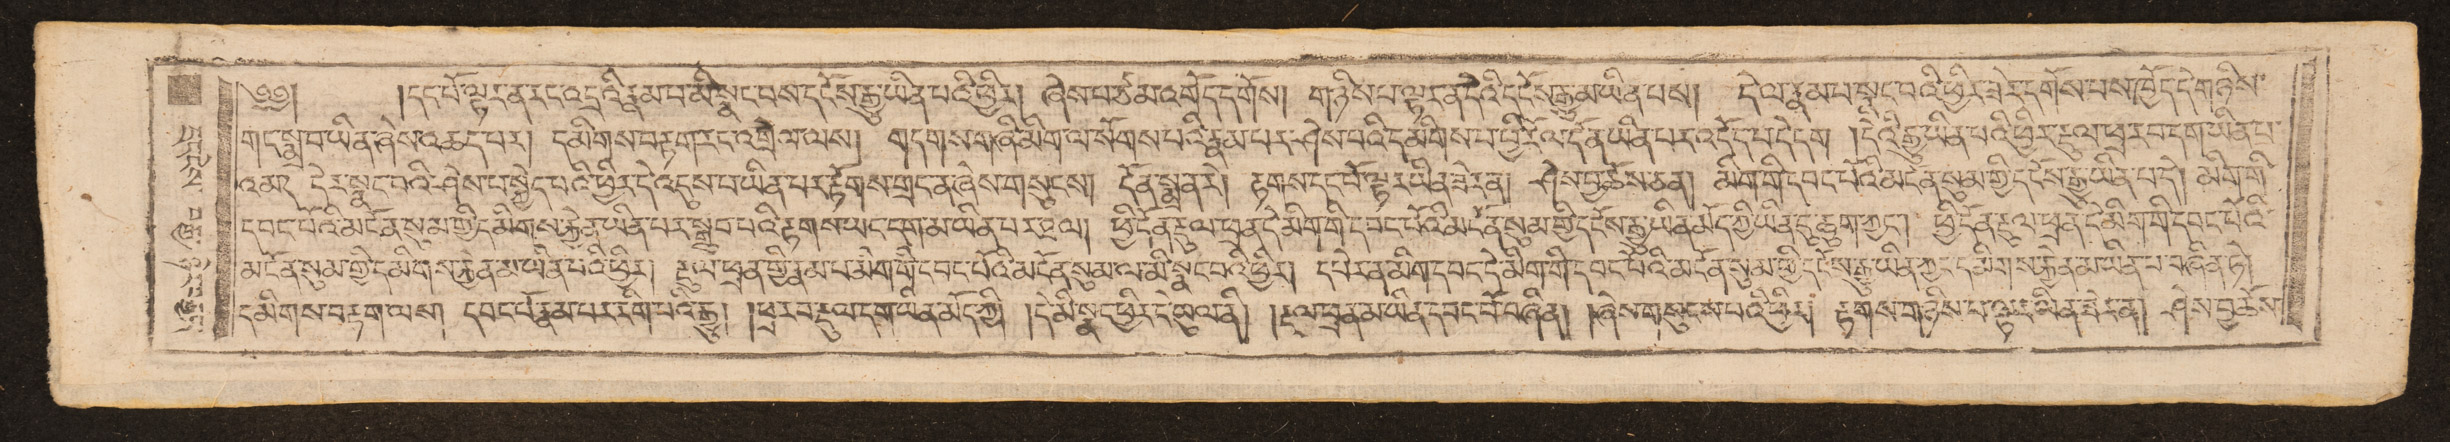༄༅། །དང་པོ་ལྟར་ན་རང་འདྲའི་རྣམ་པ་མི་སྣང་བས་དངོས་རྒྱུ་ཡིན་པའི་ཕྱིར། ཞེས་པ་ཙམ་འགོད་དགོས། གཉིས་པ་ལྟར་ན་དེའི་དངོས་རྒྱུ་མ་ཡིན་པས། དེ་ལ་རྣམ་པ་སྣང་བའི་ཕྱིར་ཟེར་དགོས་པས་ཁྱོད་དེ་གཉིས་
གང་སྨྲ་བ་ཡིན་ཞེས་འཆད་པར། དམིགས་བརྟག་རང་འགྲེལ་ལས། གདགས་གཞི་མིག་ལ་སོགས་པའི་རྣམ་པར་ཤེས་པའི་དམིགས་པ་ཕྱི་རོལ་དོན་ཡིན་པར་འདོད་པ་དེ་དག །དེའི་རྒྱུ་ཡིན་པའི་ཕྱིར་རྡུལ་ཕྲ་རབ་དག་ཡིན་པ་
འམ༑ དེར་སྣང་བའི་ཤེས་པ་སྐྱེད་པའི་ཕྱིར་དེ་འདུས་པ་ཡིན་པར་རྟོགས་གྲང་ན་ཞེས་གསུངས། དོན་སྨྲ་ན་རེ། རྟགས་དང་པོ་ལྟར་ཡིན་ཟེར་ན། ཤེས་བྱ་ཆོས་ཅན། མིག་གི་དབང་པོའི་མངོན་སུམ་གྱི་དངོས་རྒྱུ་ཡིན་པ་དེ། མིག་གི་
དབང་པོའི་མངོན་སུམ་གྱི་དམིགས་རྐྱེན་ཡིན་པར་སྒྲུབ་པའི་རྟགས་ཡང་དག་མ་ཡིན་པར་ཐལ། ཕྱི་དོན་རྡུལ་ཕྲན་དེ་མིག་གི་དབང་པོའི་མངོན་སུམ་གྱི་དངོས་རྒྱུ་ཡིན་མོད་ཀྱི་ཡིན་དུ་ཆུག་ཀྱང་། ཕྱི་དོན་རྡུལ་ཕྲན་དེ་མིག་གི་དབང་པོའི་
མངོན་སུམ་གྱི་དམིགས་རྐྱེན་མ་ཡིན་པའི་ཕྱིར། རྡུལ་ཕྲན་གྱི་རྣམ་པ་མིག་གི་དབང་པོའི་མངོན་སུམ་ལ་མི་སྣང་བའི་ཕྱིར། དཔེར་ན་མིག་དབང་དེ་མིག་གི་དབང་པོའི་མངོན་སུམ་གྱི་དངོས་རྒྱུ་ཡིན་ཀྱང་དམིགས་རྐྱེན་མ་ཡིན་པ་བཞིན་ཏེ།
དམིགས་བརྟག་ལས། དབང་པོ་རྣམ་པར་རིག་པའི་རྒྱུ། །ཕྲ་རབ་རྡུལ་དག་ཡིན་མོད་ཀྱི། །དེ་མི་སྣང་ཕྱིར་དེ་ཡུལ་ནི། །རྡུལ་ཕྲན་མ་ཡིན་དབང་པོ་བཞིན། །ཞེས་གསུངས་པའི་ཕྱིར། རྟགས་གཉིས་པ་ལྟར་ཡིན་ཟེར་ན། ཤེས་བྱ་ཆོས་